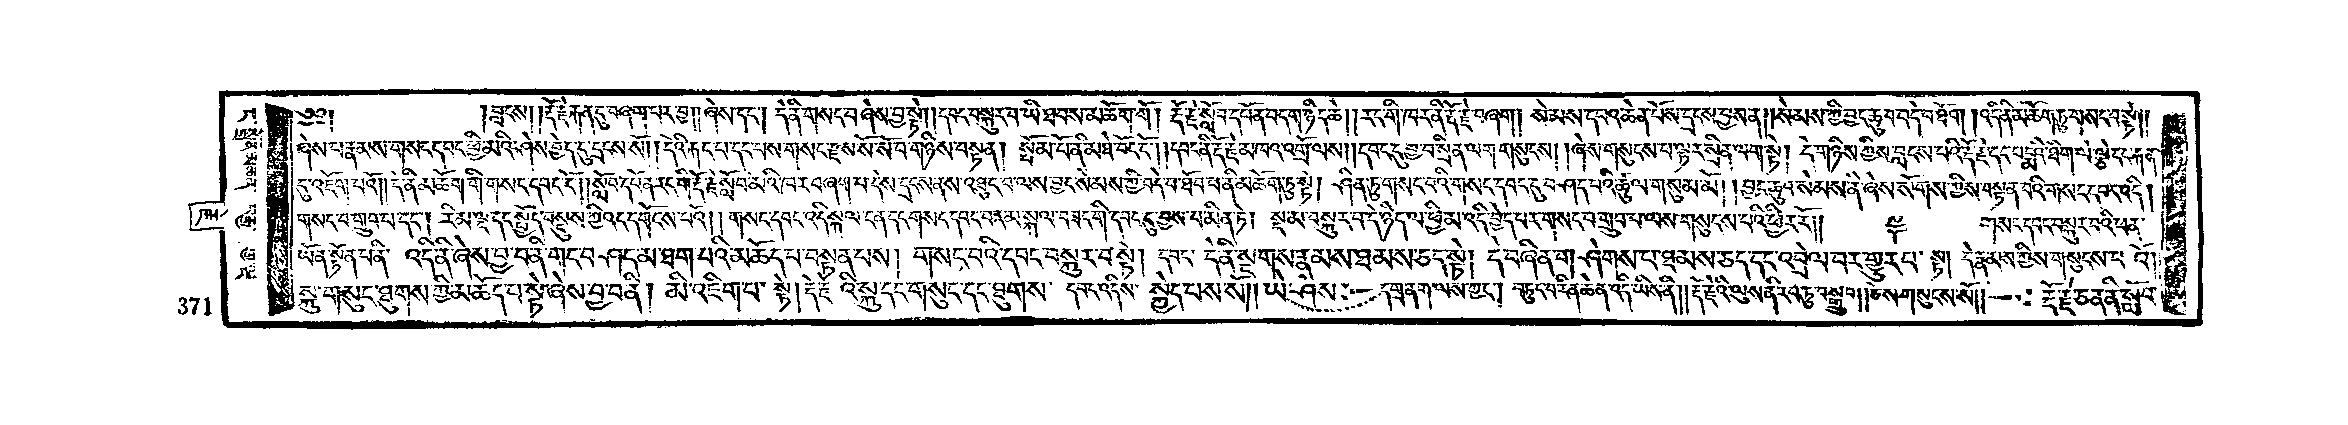༄༅། །བླངས། །རྡོ་རྗེ་རྐན་དུ་བཞག་པར་བྱ། །ཞེས་དང་། དེ་ནི་གསང་བ་ཞེས་བྱ་སྟེ། །དབང་བསྐུར་བ་ཡི་ཐབས་མཆོག་གོ །རྡོ་རྗེ་སློབ་དཔོན་བདག་ཉིད་ཆེ། །རང་གི་ཁར་ནི་རྡོ་རྗེ་བཞག །སེམས་དཔའ་ཆེན་པོས་དྲངས་བྱས་ན། །སེམས་ཀྱི་བྱང་ཆུབ་བདེ་བ་ཐོབ། །འདི་ནི་མཆོག་ཏུ་གསང་བ་སྟེ། །
ཞེས་པ་རྣམས་གསང་དབང་ཕྱི་མའི་ཤེས་བྱེད་དུ་དྲངས་སོ། །དེའི་རྐང་པ་དང་པོས་གསང་རྫས་སོ་སོ་བ་གཉིས་བསྟན། སྦོམ་པོ་ནི་མཐེ་བོང་ངོ། །དབང་ནི་རྡོ་རྗེ་མཁའ་འགྲོ་ལས། །དབང་དུ་བྱ་བ་སྲིན་ལག་གསུངས། །ཞེས་གསུངས་པ་ལྟར་སྲེན་ལས་སྟེ། དེ་གཉིས་ཀྱིས་བླངས་པའི་རྡོ་རྗེ་དང་པདམའི་ཐིག་ལེ་ལྕེ་དང་རྐན་
དུ་འཇོག་པའོ། །དེ་ནི་མཆོག་གི་གསང་དབང་ངོ། །སློབ་དཔོན་རང་གི་རྡོ་རྗེ་སློབ་མའི་ཁར་བཞག་པ་དེས་དྲངས་ནས་འཐུང་བ་ལས་བྱང་སེམས་ཀྱི་བདེ་བ་ཐོབ་པ་ནི་མཆོག་ཏུ་སྟེ། ཤིན་ཏུ་གསང་བའི་གསང་དབང་དུ་བཤད་པའི་ཚུལ་གསུམ་མོ། །བྱང་ཆུབ་སེམས་ནི་ཞེས་སོགས་ཀྱིས་བསྟན་པའི་གསང་དབང་འདི།
གསང་བ་གྲུབ་པ་དང་། རིམ་ལྔ་དང་སྤྱོད་བསྡུས་ཀྱིའང་དགོངས་པའོ། །གསང་དབང་འདི་སྐལ་ངན་དང་གསང་དབང་བར་མ་སྐལ་བཟང་གི་དབང་དུ་བྱས་པ་མིན་ཏེ། སྔ་མ་བསྐུར་བ་དེ་ཉིད་ལ་ཕྱི་མ་འདི་བྱེད་པར་གསང་བ་གྲུབ་པ་ལས་གསུངས་པའི་ཕྱིར་རོ།། ༈ གསང་དབང་བསྐུར་བའི་ཕན་
ཡོན་སྟོན་པ་ནི་འདི་ནི་ཞེས་བྱ་བ་ནི་གང་བཤད་མ་ཐག་པའི་མཆོད་པ་བསྟན་པས། གསང་བའི་དབང་བསྐུར་བ་སྟེ། དབང་དེ་ནི་སྔགས་རྣམས་ཐམས་ཅད་སྟེ། དེ་བཞིན་གཤེགས་པ་ཐམས་ཅད་དང་འབྲེལ་བར་གྱུར་པ་སྟེ། དེ་རྣམས་ཀྱིས་གསུངས་པའོ། །
སྐུ་གསུང་ཐུགས་ཀྱི་མཆོད་པ་སྟེ་ཞེས་བྱ་བ་ནི། མི་འཇིག་པ་སྟེ། རྡོ་རྗེའི་སྐུ་དང་གསུང་དང་ཐུགས་དབང་འདིས་སྐྱེད་པས་སོ། །ཡེ་ཤེསཿ་དགྲ་ནག་ལས་ཀྱང་། བཏུང་བ་རིན་ཆེན་འདི་ཡིས་ནི། །རྡོ་རྗེའི་ལུས་ནི་རབ་ཏུ་བསྒྲུབ། །ཅེས་གསུངས་སོ།།  .H རྡོ་རྗེ་ཅན་ནི་སློབ་